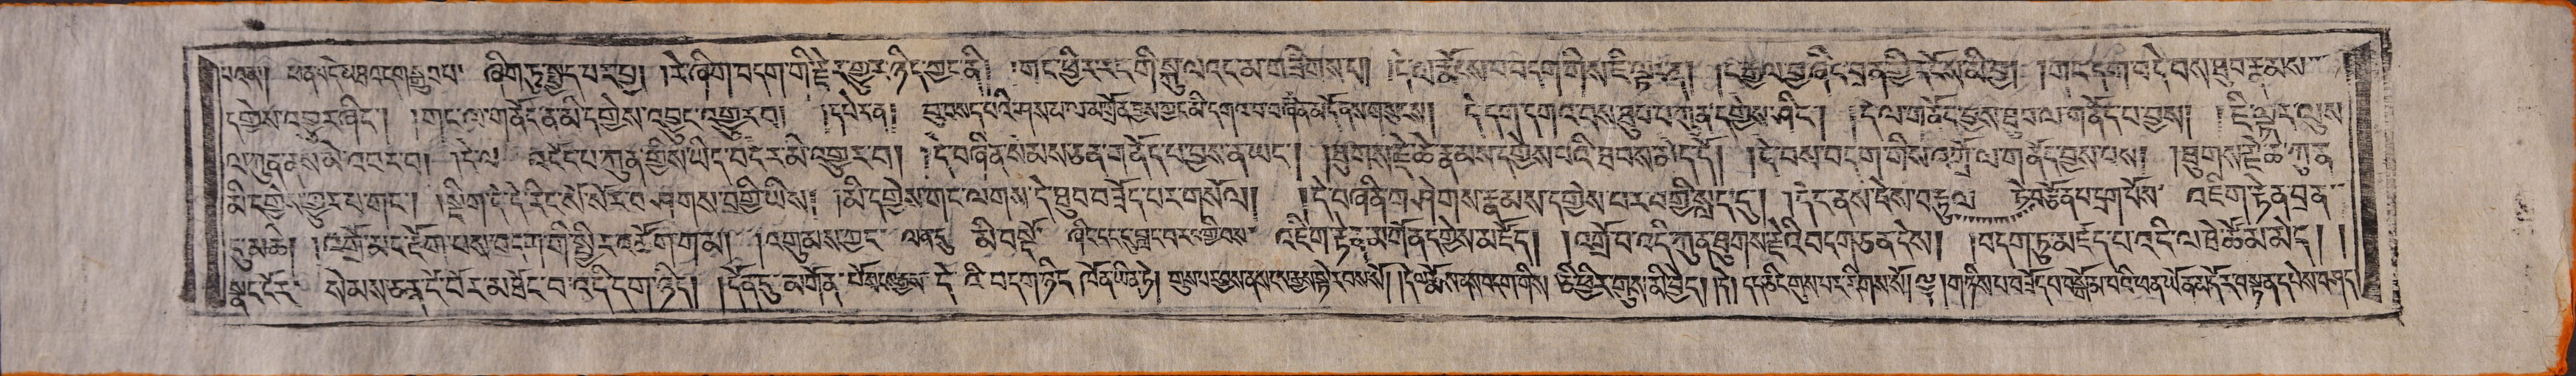པ་བས༑ ཕན་བདེ་མཐའ་དག་སྒྲུབ་པ་ཞིག་ཏུ་སྤྱད་པར་བྱ། །རེ་ཞིག་བདག་གི་རྗེར་གྱུར་ཉིད་ཀྱང་ནི། །གང་ཕྱིར་རང་གི་སྐུ་ལའང་མི་གཟིགས་པ། །དེ་ལ་རྨོངས་པ་བདག་གིས་ཇི་ལྟར་ན། །ང་རྒྱལ་བྱ་ཞིང་བྲན་གྱི་དངོས་མི་བྱ། །གང་དག་བདེ་བས་ཐུབ་རྣམས་
དགྱེས་འགྱུར་ཞིང་། །གང་ལ་གནོད་ན་མི་དགྱེས་འབྱུང་འགྱུར་པ། །དཔེར་ན། བུ་བསད་པའི་ཤས་མ་ལ་མགྲོན་བྱས་ཀྱང་མི་དགའ་བ་བཞིན་མདོ་ནས་གསུངས།  དེ་དག་དགའ་བས་ཐུབ་པ་ཀུན་དགྱེས་ཤིང་། །དེ་ལ་གནོད་བྱས་ཐུབ་པ་གནོད་པ་བྱས། །ཇི་ལྟར་ལུས་
ལ་ཀུན་ནས་མེ་འབར་བ། །དེ་ལ་འདོད་པ་ཀུན་གྱིས་ཡིད་བདེར་མི་འགྱུར་བ། །དེ་བཞིན་སེམས་ཅན་གནོད་པ་བྱས་ན་ཡང་། །ཐུགས་རྗེ་ཆེ་རྣམས་དགྱེས་པའི་ཐབས་མེད་དོ། །དེ་བས་བདག་གིས་འགྲོ་ལ་གནོད་བྱས་པས། །ཐུགས་རྗེ་ཆེ་ཀུན་
མི་དགྱེས་གྱུར་པ་གང་། །སྡིག་དེ་དེ་རིང་སོ་སོར་བཤགས་བགྱི་ཡིས། །མི་དགྱེས་གང་ལགས་དེ་ཐུབ་བཟོད་པར་གསོལ། །དེ་བཞིན་གཤེགས་རྣམས་དགྱེས་པར་བགྱི་སླད་དུ། །དེང་ནས་ངེས་བརྟུལ་ཏེ་བརྩོན་པ་དྲག་པོས་འཇིག་རྟེན་བྲན་
དུ་མཆི། །འགྲོ་མང་རྡོག་པས་བདག་གི་སྤྱིར་འཚོག་གམ། །འགུམས་ཀྱང་ལན་དུ་མི་བསྔོ་ཞིང་དང་དུ་བླང་བར་བགྱིས་པས་འཇིག་རྟེན་མགོན་དགྱེས་མཛོད། །འགྲོ་བ་འདི་ཀུན་ཐུགས་རྗེའི་བདག་ཅན་དེས། །བདག་ཏུ་མཛད་པ་འདི་ལ་ཐེ་ཚོམ་མེད། །
སྣང་ངོར་སེམས་ཅན་ངོ་བོར་མཐོང་བ་འདི་དག་ཉིད། །དོན་དུ་མགོན་པོ་སངས་རྒྱས་དེའི་བདག་ཉིད་ཁོ་ན་ཡིན་ཏེ། གུས་པར་བྱས་ན་སངས་རྒྱས་སྟེར་བས་སོ། །དེ་ལ་རྨོངས་ནས་བདག་གིས་ཅི་ཕྱིར་གུས་མི་བྱེད། །དེ། དད་ཅིང་གུས་པར་རིགས་སོ། ༈ །གཉིས་པ་བཟོད་པ་བསྒོམ་པའི་ཕན་ཡོན་མདོར་བསྟན་དཔེས་བཤད་